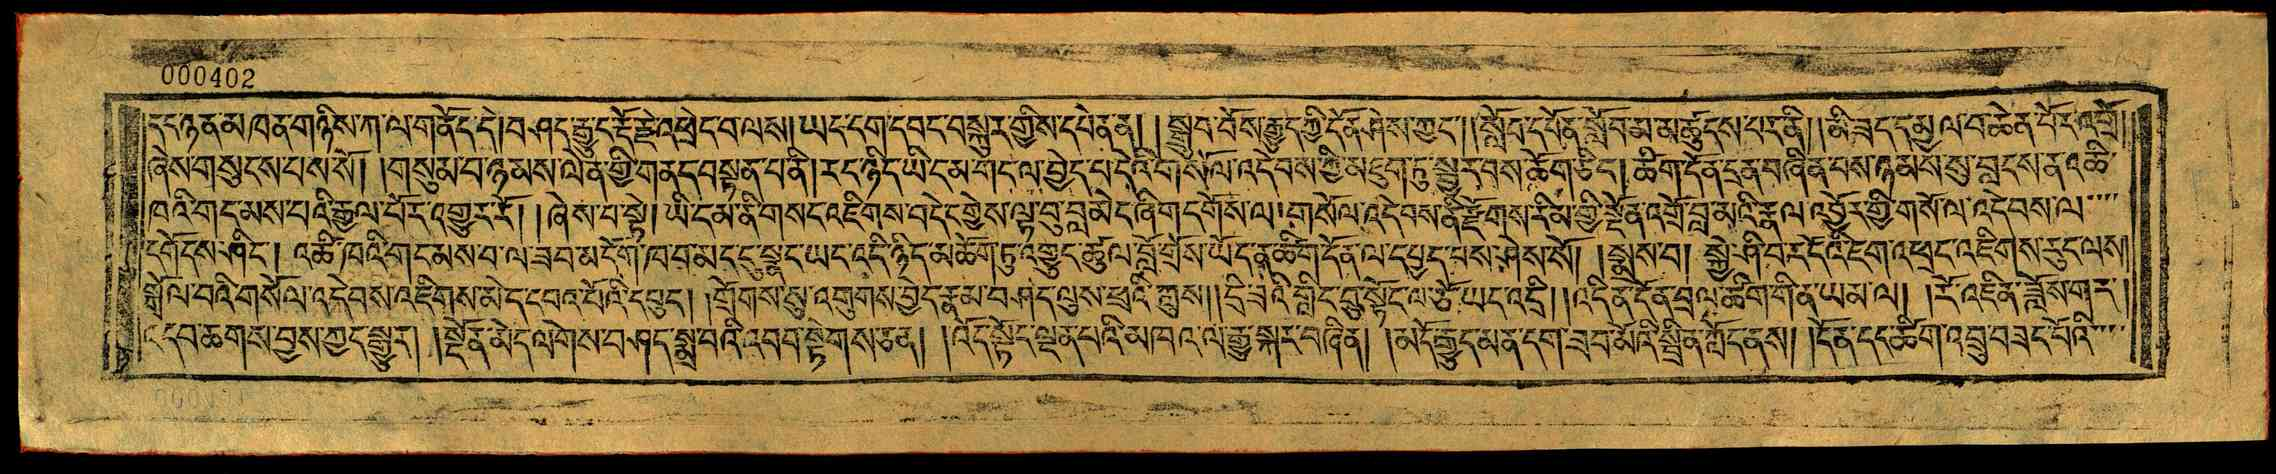དང་ཉན་མཁན་གཉིས་ཀ་ལ་གནོད་དེ། བཤད་རྒྱུད་རྡོ་རྗེ་འཕྲེང་བ་ལས། ཡང་དག་དབང་བསྐུར་གྱིས་དབེན་ནོ། །སྒྲུབ་པོས་རྒྱུད་ཀྱི་དོམ་ཤེས་ཀྱང་། །སློབ་དཔོན་སློབ་མ་མཚུངས་པར་ནི། །མི་ཟད་དམྱལ་བ་ཆེན་པོར་འགྲོ་
ཞེས་གསུངས་པས་སོ། །གསུམ་པ་ཉམས་ལེན་གྱི་གནད་བསྟན་པ་ནི། རང་ཉིད་ཡི་དམ་གང་ལ་བྱེད་པ་དེའི་གསོལ་འདེབས་ཀྱི་མཇུག་ཏུ་སྦྱར་བས་ཆོག་ཅིང་། ཚིག་དོན་དྲན་བཞིན་པས་ཉམས་སུ་བླངས་ན་འཆི་
ཁའི་གདམས་པའི་རྒྱལ་པོར་འགྱུར་རོ། །ཞེས་པ་སྟེ། ཡི་དམ་ནི་གསང་འཇིགས་བདེ་དགྱེས་ལྟ་བུ་བླ་མེད་ཞིག་དགོས་ལ། གསོལ་འདེབས་ན་རྫོགས་རིམ་གྱི་སྔོན་འགྲོ་བླ་མའི་རྣལ་འབྱོར་གྱི་གསོལ་འདེབས་ལ་
དགོངས་ཤིང་། འཆི་ཁའི་གདམས་པ་ལ་ཟབ་མདོག་ཁབ་མང་དུ་སྣང་ཡང་འདི་ཉིད་མཆོག་ཏུ་འགྱུར་ཚུལ་བློ་གྲོས་ཡོད་ན་ཚིག་དོན་ལ་དཔྱད་པས་ཤེས་སོ། །སྨྲས་པ། སྐྱེ་ཤི་བར་དོའི་ཇག་འཕྲང་འཇིགས་རུང་ལས།
སྒྲོལ་བའི་གསོལ་འདེབས་འཇིགས་མེད་དཔའ་པོའི་དཔུང་། །གྲོགས་སུ་འགུགས་བྱེད་རྣམ་བཤད་ལུས་ཕྲའི་གླུས། །དྲི་ཟའི་གླིང་བུ་སྟོང་ལ་ཅོ་ཡང་འདྲི། །འདི་ན་དོན་བྲལ་ཚིག་གི་ན་ཡམ་ལ། །རོ་འཛིན་ཟློས་གར་
འདབ་ཆགས་བྱས་ཀྱང་སྒྱུར། །སྔོན་མེད་ལེགས་བཤད་སྨྲ་བའི་འབབ་སྟེགས་ཅན། །འོད་སྟོང་ལྡན་པའི་མཁའ་ལ་རྒྱུ་སྐར་བཞིན། །མདོ་རྒྱུད་མན་ངག་ཟབ་མོའི་སྤྲིན་ཀློང་ནས། །དོན་དང་ཚིག་འབྲུ་བཟང་པོའི་